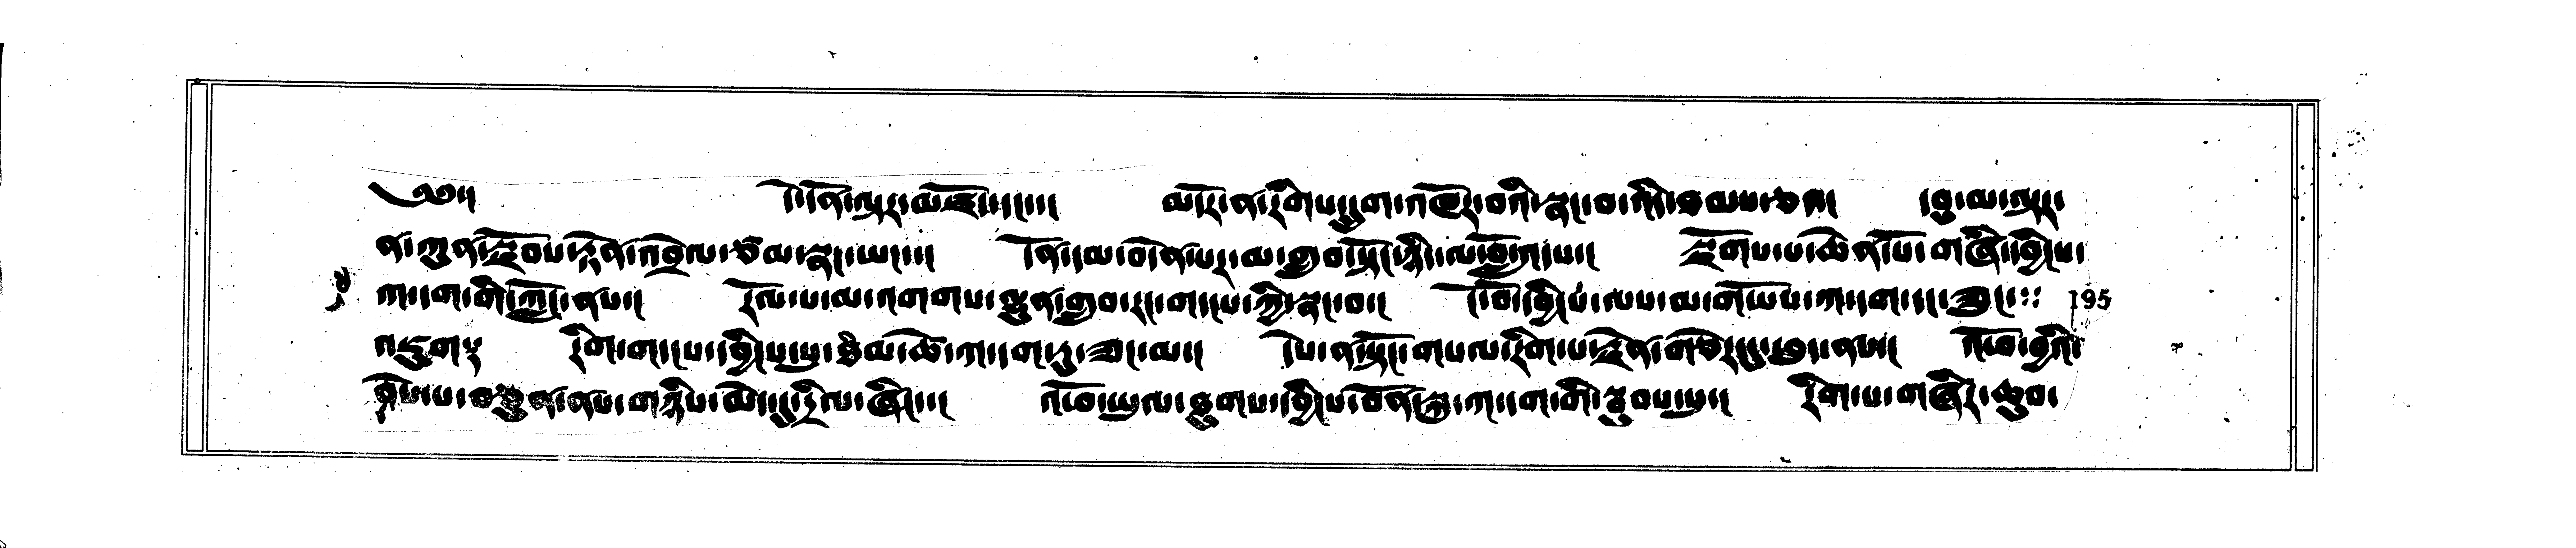དེ་དོན་ལྟར་མཛོད་དང་། །མདོར་ན་རིགས་དྲུག་འཁོར་བའི་སྣང་བ་འདི་ཐམས་ཅད། །དབུ་མ་ལྟར་
ན་ཀུན་རྫོབ་རྟེན་འབྲེལ་ཙམ་སྣང་ཡང་། །དོན་དམ་བདེན་པར་མ་གྲུབ་སྟོང་ཉིད་ལ་བློ་འདས། །རྫོགས་པ་ཆེན་པོ་གཞི་དབྱིངས་
ཀ་དག་གི་ཀློང་ནས། །རོལ་པ་མ་འགག་ལྷུན་གྲུབ་གདངས་ཀྱི་སྣང་བ། །ངོ་བོ་དབྱིངས་ལས་མ་གཡོས་ཀ་དག་དང་ཟུང་
འཇུག །རིག་གདང་དབྱིངས་སུ་ཐིམ་ཚེ་ཀ་དག་ཏུ་ཟང་མ། །དེས་ན་སྟོང་གསལ་རིག་པ་རྗེན་གཅེར་དུ་ཕུད་ནས། །འཕོ་བྱའི་
ཤེས་པ་བཅུན་ནས་གཉིས་མེད་དུ་དྲིལ་ཞིང་། །འཕོ་ཡུལ་ཐུགས་དབྱིངས་བོན་སྐུ་ཡི་སྦུབས་སུ། །རིག་པ་བཞིར་ཆུབ་